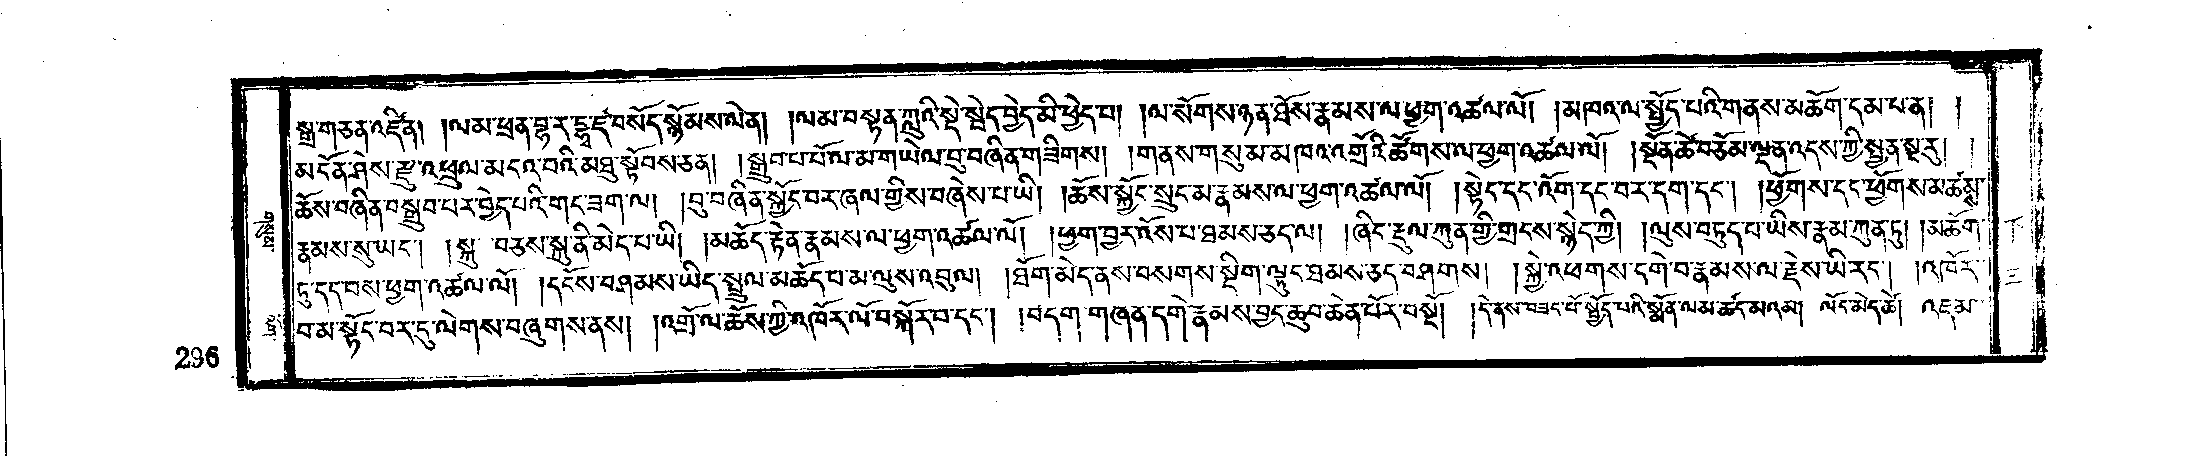སྒྲ་གཅན་འཛིན། །ལམ་ཕྲན་བྷ་ར་དྷྭ་ཛ་བསོད་སྙོམས་ལེན། །ལམ་བསྟན་ཀླུའི་སྡེ་སྦེད་བྱེད་མི་ཕྱེད་པ། །ལ་སོགས་ཉན་ཐོས་རྣམས་ལ་ཕྱག་འཚལ་ལོ། །མཁའ་ལ་སྤྱོད་པའི་གནས་མཆོག་དམ་པ་ན། །
མངོན་ཤེས་རྫུ་འཕྲུལ་མངའ་བའི་མཐུ་སྟོབས་ཅན། །སྒྲུབ་པ་པོ་ལ་མ་གཡེལ་བུ་བཞིན་གཟིགས། །གནས་གསུམ་མཁའ་འགྲོའི་ཚོགས་ལ་ཕྱག་འཚལ་ལོ། །སྔོན་ཚེ་བཅོམ་ལྡན་འདས་ཀྱི་སྤྱན་སྔ་རུ། །
ཆོས་བཞིན་བསྒྲུབ་པར་བྱེད་པའི་གང་ཟག་ལ། །བུ་བཞིན་སྐྱོང་བར་ཞལ་གྱིས་བཞེས་པ་ཡི། །ཆོས་སྐྱོང་སྲུང་མ་རྣམས་ལ་ཕྱག་འཚལ་ལོ། །སྟེང་དང་འོག་དང་བར་དག་དང་། །ཕྱོགས་དང་ཕྱོགས་མཚམས་
རྣམས་སུ་ཡང་། །སྐུ་བཅས་སྐུ་ནི་མེད་པ་ཡི། །མཆོད་རྟེན་རྣམས་ལ་ཕྱག་འཚལ་ལོ། །ཕྱག་བྱར་འོས་པ་ཐམས་ཅད་ལ། །ཞིང་རྡུལ་ཀུན་གྱི་གྲངས་སྙེད་ཀྱི། །ལུས་བཏུད་པ་ཡིས་རྣམ་ཀུན་ཏུ། །མཆོག་
ཏུ་དད་བས་ཕྱག་འཚལ་ལོ། །དངོས་བཤམས་ཡིད་སྤྲུལ་མཆོད་པ་མ་ལུས་འབུལ། །ཐོག་མེད་ནས་བསགས་སྡིག་ལྟུང་ཐམས་ཅད་བཤགས། །སྐྱེ་འཕགས་དགེ་བ་རྣམས་ལ་རྗེས་ཡི་རང་། །འཁོར་
བ་མ་སྟོང་བར་དུ་ལེགས་བཞུགས་ནས། །འགྲོ་ལ་ཆོས་ཀྱི་འཁོར་ལོ་བསྐོར་བ་དང་། །བདག་གཞན་དགེ་རྣམས་བྱང་ཆུབ་ཆེན་པོར་བསྔོ། །དེ་ནས་བཟང་པོ་སྤྱོད་པའི་སྨོན་ལམ་ཚད་མཱམ། ལོང་མེད་ཚེ། འཇམ་